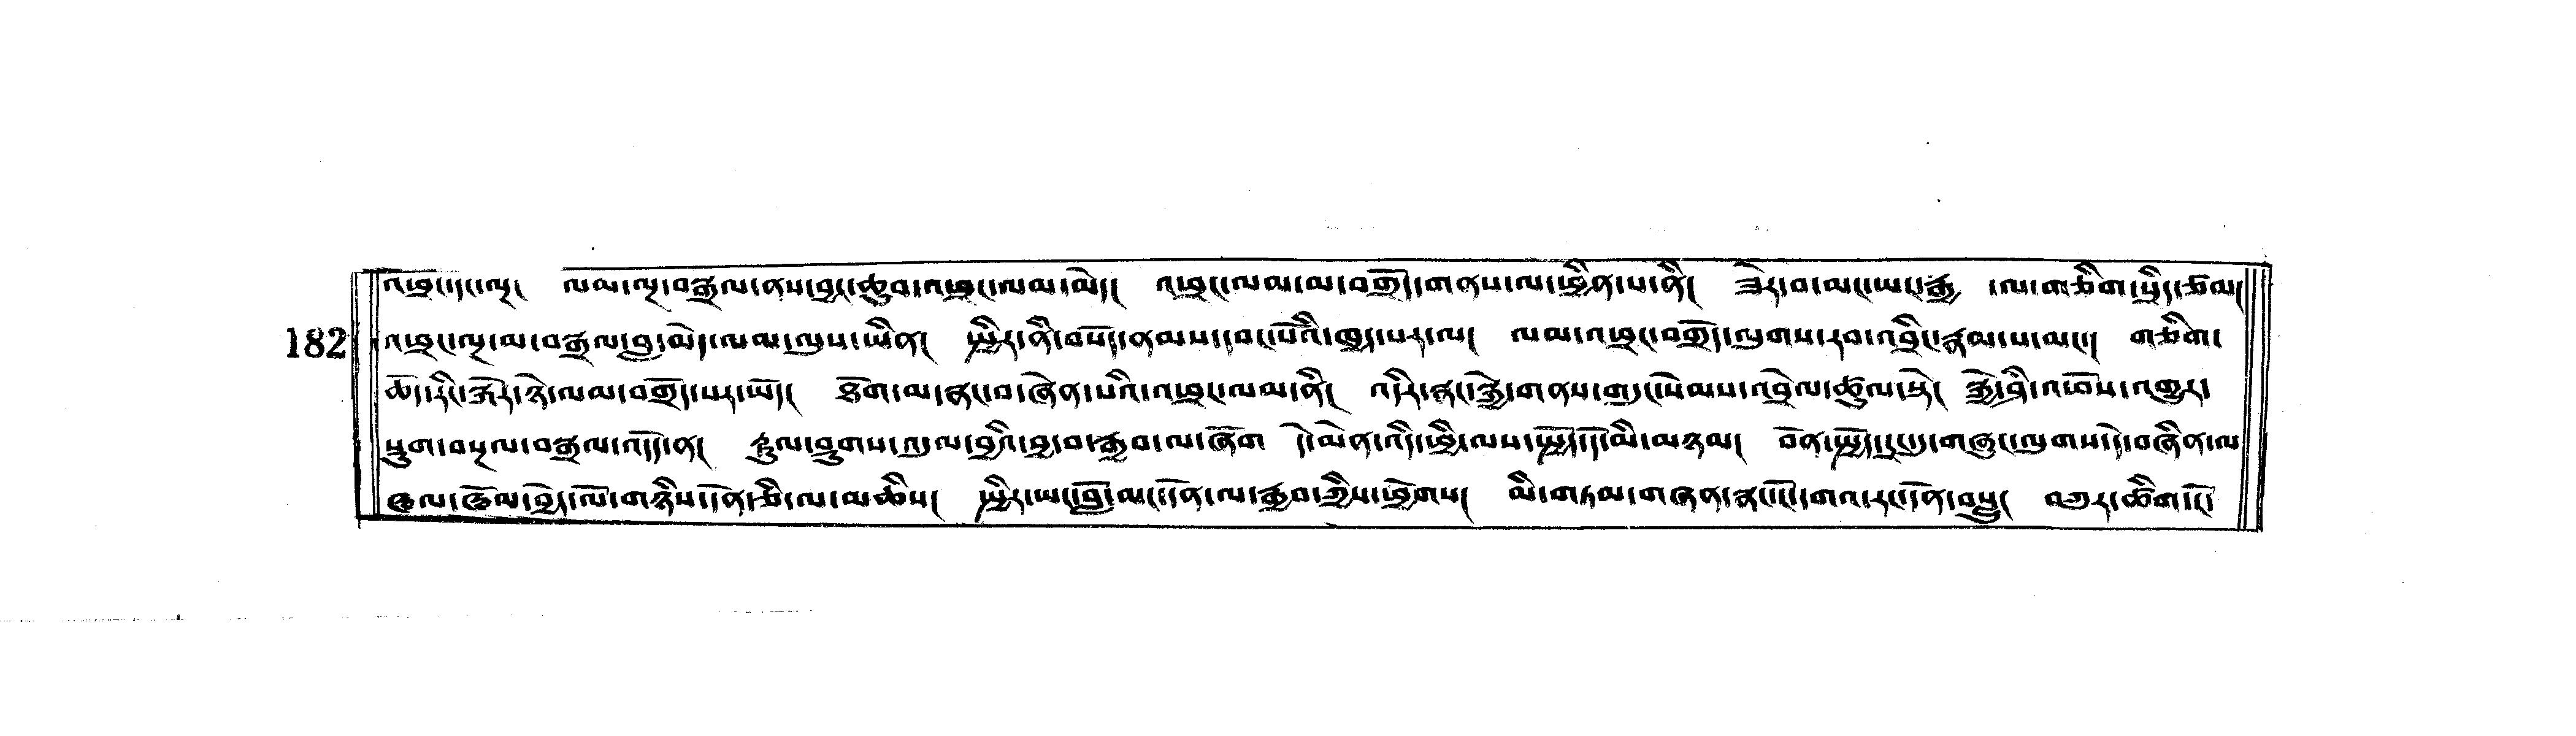འཕྲང་དང་ལྔ། ལམ་ལྔ་བསྒྲལ་ནས་བྱང་ཆུབ་འཕྲང་ལམ་མེད། འཕྲང་ལམ་མ་བགྲོད་གནས་ལ་ཕྱིན་པ་ནི། ཟེར་བ་མང་ཡང་རྒྱ་ལ་གཅིག་སྲིད་ཙམ། 
འཕྲང་ལྔ་མ་བསྒྲལ་བླ་མེད་ལམ་ལུས་ཡིན། སྤྱིར་ནི་བསོད་ནམས་དབང་པོའི་ཁྱད་པར་ལ། ལམ་འཕྲང་བགྲོད་ལུགས་རབ་འབྲིང་རྣམ་པ་མང་། གཅིག་
ཆོད་རིང་སྐོར་ཉེ་ལམ་བགྲོད་པར་ཡོད། ཐོག་མ་སྣང་བ་ཞེན་པའི་འཕྲང་ལམ་ནི། འདིར་སྣང་སྐྱེ་གནས་གདུང་སེམས་འབྲེལ་ཚུལ་ཏེ། སྐྱེ་ཤི་འཕོས་འགྱུར་
སྡུག་བསྔལ་བསྒྲལ་འདོད་ན། རྟུལ་ཞུགས་གདུལ་བྱའི་བྱ་བ་རྒྱབ་ལ་ཞོག དེ་མིན་འདི་ཕྱི་ལས་སྤྱོད་དོ་མི་མཉམ། བོན་སྤྱོད་དྲང་དུ་གཞུང་ལུགས་དེ་བཞིན་ལ། 
ཝལ་ཝོལ་བྱེད་ལོ་གཉིས་དོན་ཅི་ལ་མཆིས། སྤྱིར་ཡང་བློ་མང་དོན་ལ་རྒྱབ་ཀྱིས་ཕྱོགས། མི་གཏམ་གཞན་དོན་ངོ་དགའ་རང་དོན་བསླུ། བཀུར་ཚིག་ངོ་